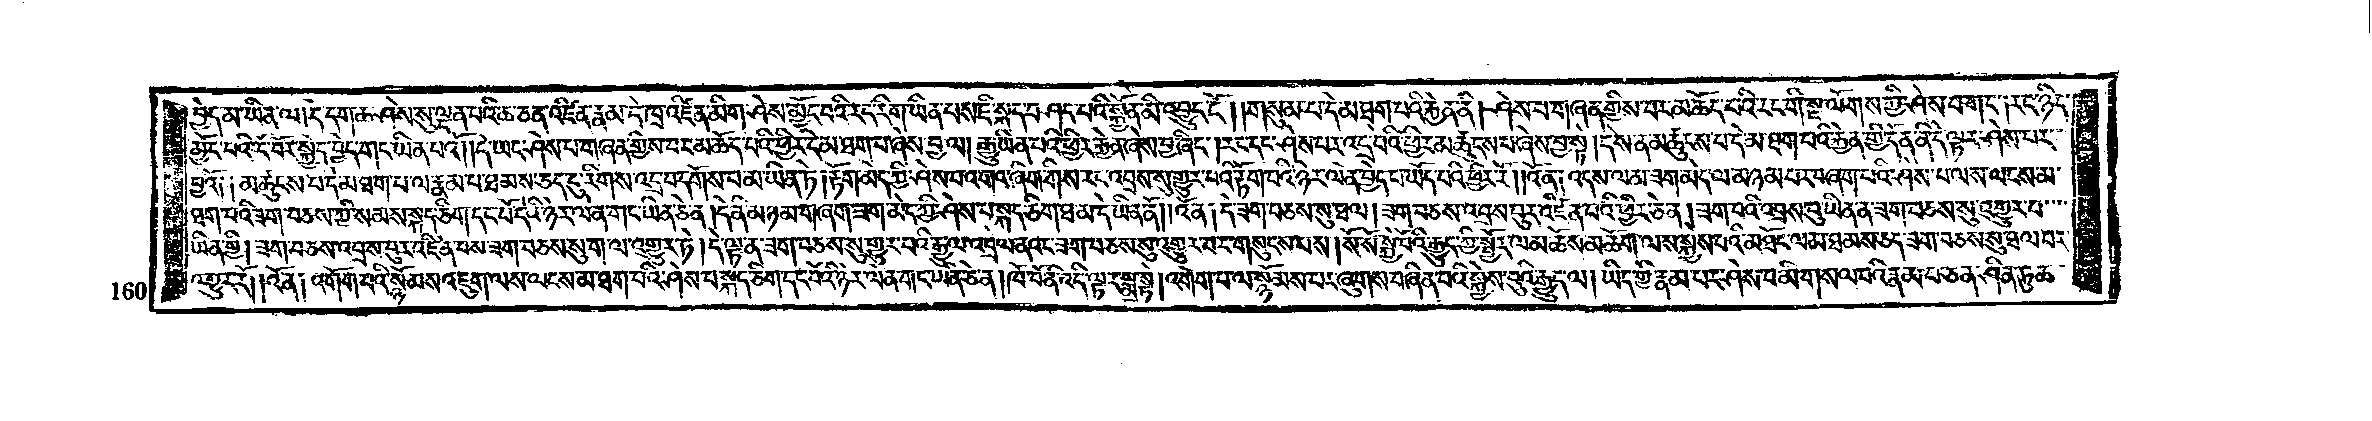བྱེད་མ་ཡིན་ལ། དེ་དག་ཆ་ཤས་སུ་ལྡན་པའི་ཆ་ཅན་འཛིན་རྣམ་དེ་ཁྲ་འཛིན་མིག་ཤེས་མྱོང་བའི་རང་རིག་ཡིན་པས་ཇི་སྐད་བཤད་པའི་སྐྱོན་མི་འབྱུང་ངོ། །གསུམ་པ་དེ་མ་ཐག་པའི་རྐྱེན་ནི། ཤེས་པ་གཞན་གྱིས་བར་མཆོད་པའི་རང་གི་སྔ་ལོགས་ཀྱི་ཤེས་པ་གང་། རང་ཉིད་
མྱོང་བའི་ངོ་བོར་སྐྱེད་བྱེད་གང་ཡིན་པའོ། །དེ་ཡང་ཤེས་པ་གཞན་གྱིས་བར་མ་ཆོད་པའི་ཕྱིར་དེ་མ་ཐག་པ་ཞེས་བྱ་ལ། རྒྱུ་ཡིན་པའི་ཕྱིར་རྐྱེན་ཞེས་བྱ་ཞིང་། རང་དང་ཤེས་པར་འདྲ་བའི་ཕྱིར་མཚུངས་པ་ཞེས་བྱ་སྟེ། དེས་ན་མཚུངས་པ་དེ་མ་ཐག་པའི་རྐྱེན་གྱི་དོན་ནི་དེ་ལྟར་ཤེས་པར་
བྱའོ། །མཚུངས་པ་དེ་མ་ཐག་པ་ལ་རྣམ་པ་ཐམས་ཅད་དུ་རིགས་འདྲ་བ་དགོས་པ་མ་ཡིན་ཏེ། རྟོག་མེད་ཀྱི་ཤེས་པ་འགའ་ཞིག་གིས་རང་འབྲས་སུ་གྱུར་པའི་རྟོག་པའི་ཉེར་ལེན་བྱེད་པ་ཡོད་པའི་ཕྱིར་རོ། །འོ་ན། འདས་ལམ་ཟག་མེད་ལ་མཉམ་པར་བཞག་པའི་ཤེས་པ་ལས་ལངས་མ་
ཐག་པའི་ཟག་བཅས་ཀྱི་སེམས་སྐད་ཅིག་དང་པོ་དེའི་ཉེར་ལེན་གང་ཡིན་ཅེ་ན། དེ་ནི་མཉམ་གཞག་ཟག་མེད་ཀྱི་ཤེས་པ་སྐད་ཅིག་ཐ་མ་དེ་ཡིན་ནོ། །འོ་ན། དེ་ཟག་བཅས་སུ་ཐལ། ཟག་བཅས་འབྲས་བུར་འཛིན་པའི་ཕྱིར་ཅེ་ན། ཟག་པའི་འབྲས་བུ་ཡིན་ན་ཟག་བཅས་སུ་འགྱུར་བ་
ཡིན་གྱི། ཟག་བཅས་འབྲས་བུར་འཛིན་པས་ཟག་བཅས་སུ་ག་ལ་འགྱུར་ཏེ། དེ་ལྟ་ན་ཟག་བཅས་སུ་གྱུར་པའི་རྒྱུ་ལ་འབྲེལ་ནའང་ཟག་བཅས་སུ་འགྱུར་བར་གསུངས་པས། སོ་སོ་སྐྱེ་བོའི་རྒྱུད་ཀྱི་སྦྱོར་ལམ་ཆོས་མཆོག་ལས་སྐྱེས་པའི་མཐོང་ལམ་ཐམས་ཅད་ཟག་བཅས་སུ་ཐལ་བར་
འགྱུར་རོ། །འོ་ན། འགོག་པའི་སྙོམས་འཇུག་ལས་ལངས་མ་ཐག་པའི་ཤེས་པ་སྐད་ཅིག་དང་པོའི་ཉེར་ལེན་གང་ཡིན་ཅེ་ན། ཁོ་བོ་ནི་འདི་ལྟར་སྨྲ་སྟེ། འགོག་པ་ལ་སྙོམས་པར་ཞུགས་བཞིན་པའི་སྐྱེས་བུའི་རྒྱུད་ལ། ཡིད་གྱི་རྣམ་པར་ཤེས་པ་མི་གསལ་བའི་རྣམ་པ་ཅན་ཤིན་ཏུ་ཆ་